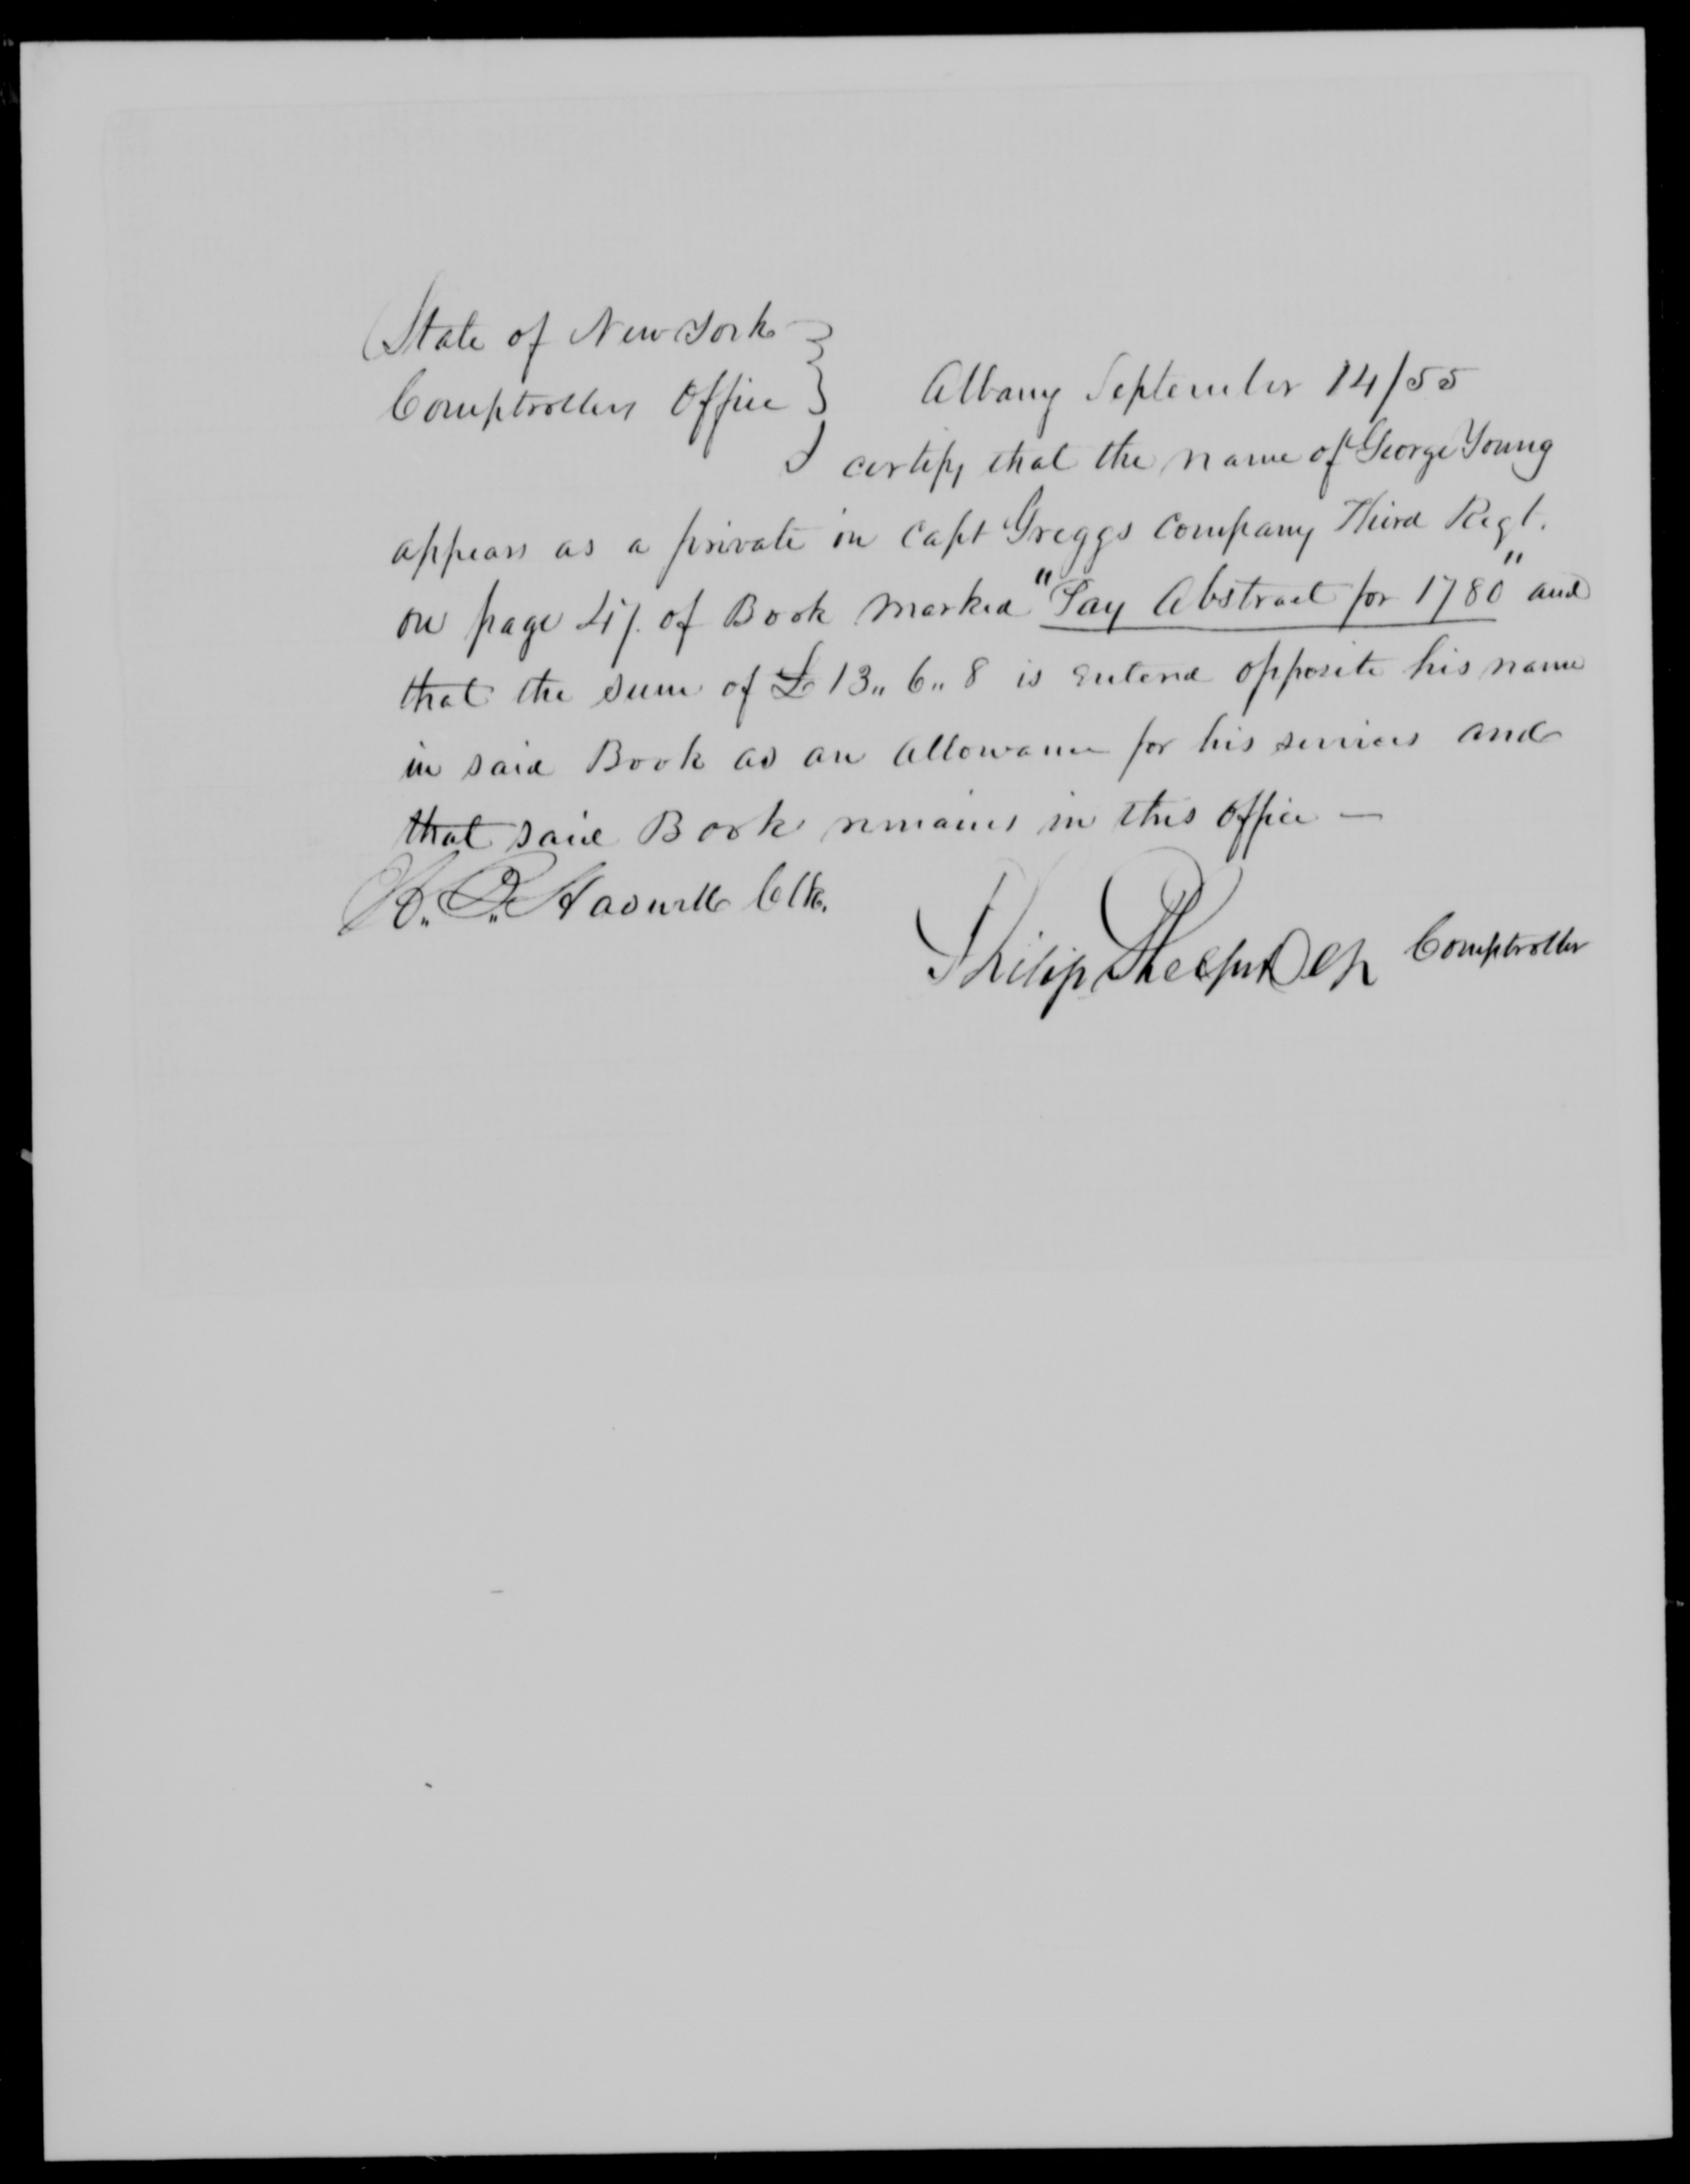State of New York
Comptrollers Office
Albany September 14/55
I certify that the name of George Young
appears as a private in Capt Griggs Company third Regt.
on page 47 of Book marked "Pay Abstract for 1780 and
that the sum of $13,68 is entered opposite his name
in said Book as an allowance for his services and
that said Book remains in this office-
H B Haswell Clk
Philip Phelps
Comptroller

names: H B Haswell, George Young, Philip Phelps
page: 56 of 67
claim: widow's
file: W. 7379, George Young, New Jersey